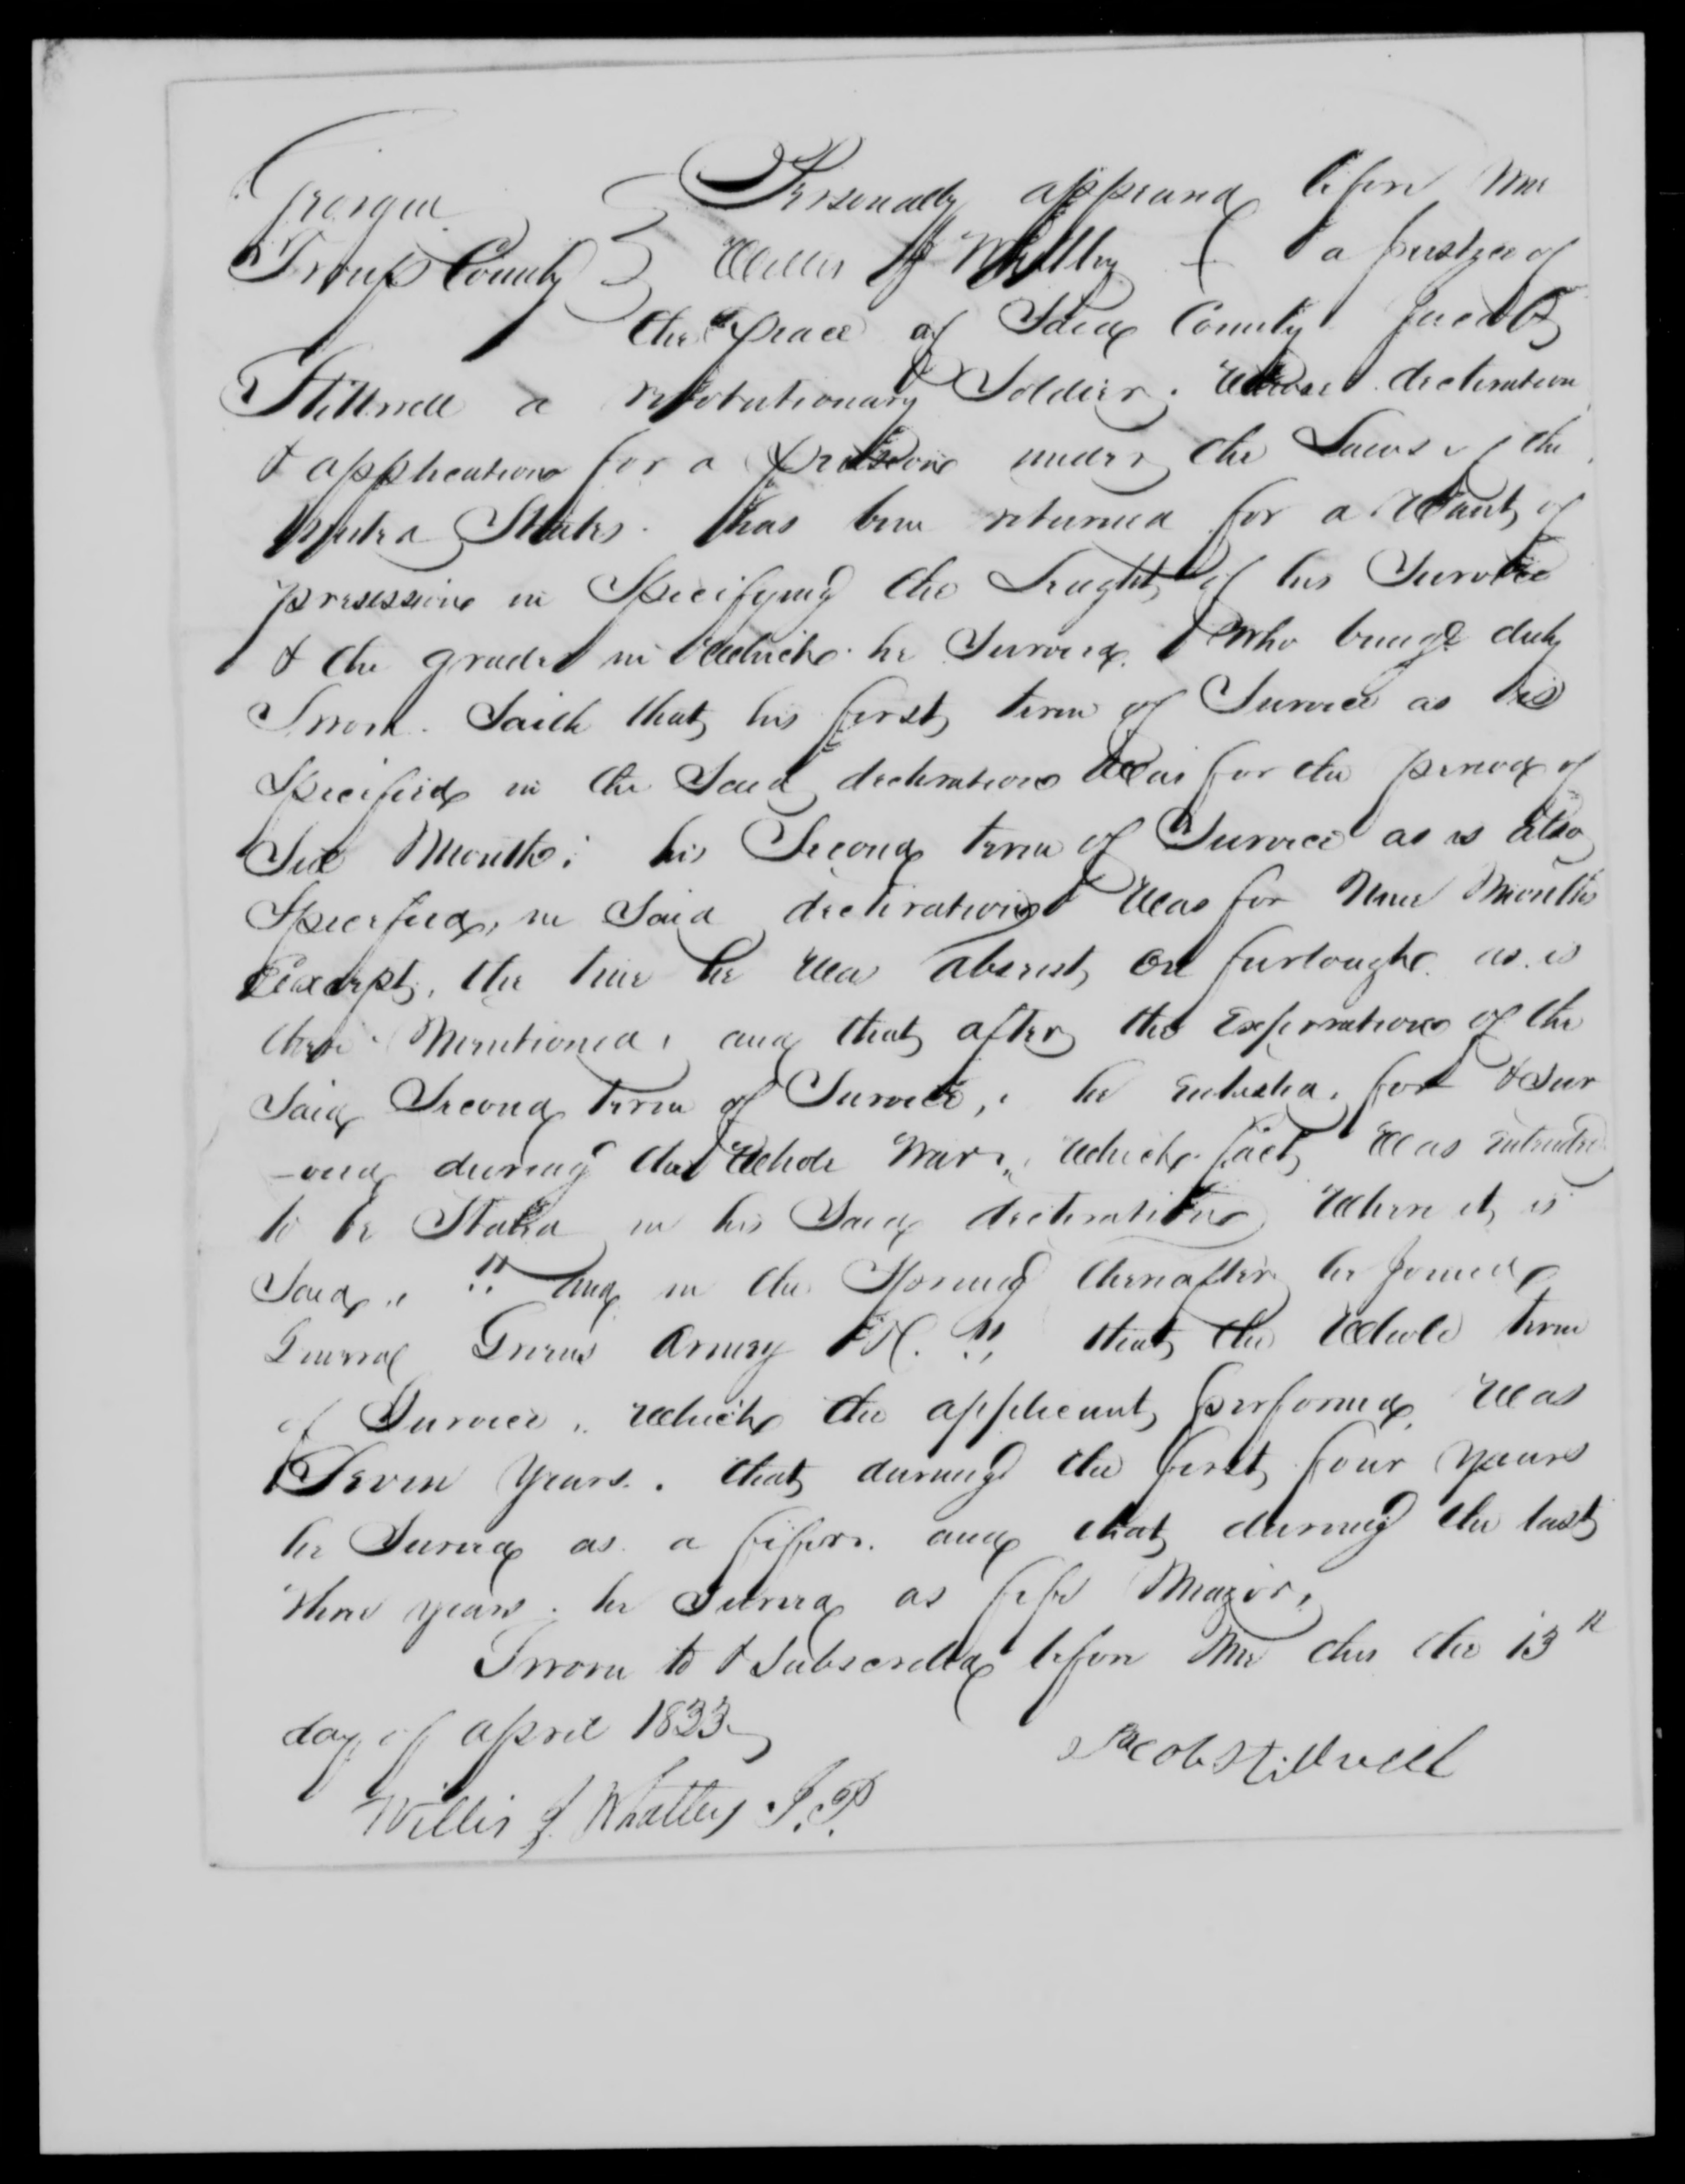Georgia
Troup County
Personally appeared before me
Willis Whatley
4
a Justice of
the peace of said County Jacob Stillwell
a Revolutionary Soldier, whose declaration &
application for a pension under the Laws of the
United States has been returned for want of
presession in specifying the length of his service the
& the grade in which he served who being duly
Sworn Saith that his first term of Service as his
specified in the said declaration was for the period of
Six months; his Second term of Service as is also
Specified, in said declaration was for nine month
except the time he was absent on furlough as is
he mentioned, and that after the expiration of the
Said Second term of Service, he enlisted for & served during the whole War which fact was entered
as he stated in his said declaration.  When it is
said "and in the Spring thereafter be found
General Green's Army & that the whole term
of service, which the applicant performed was
Seven years that during the first four yours
he served as a fifer and that during the last
those years he served as fife Major,
Sworn to & Subscribed before me this the 13th
day of April 1833
Willis of Whatley J.P.
Jacob Stillwell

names: Willis J Whatley; Jacob Stillwell; Jacob Stillwell; Willis J Whatley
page: 22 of 25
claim: survivor's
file: S. 31,993, for Jacob Stillwell, North Carolina